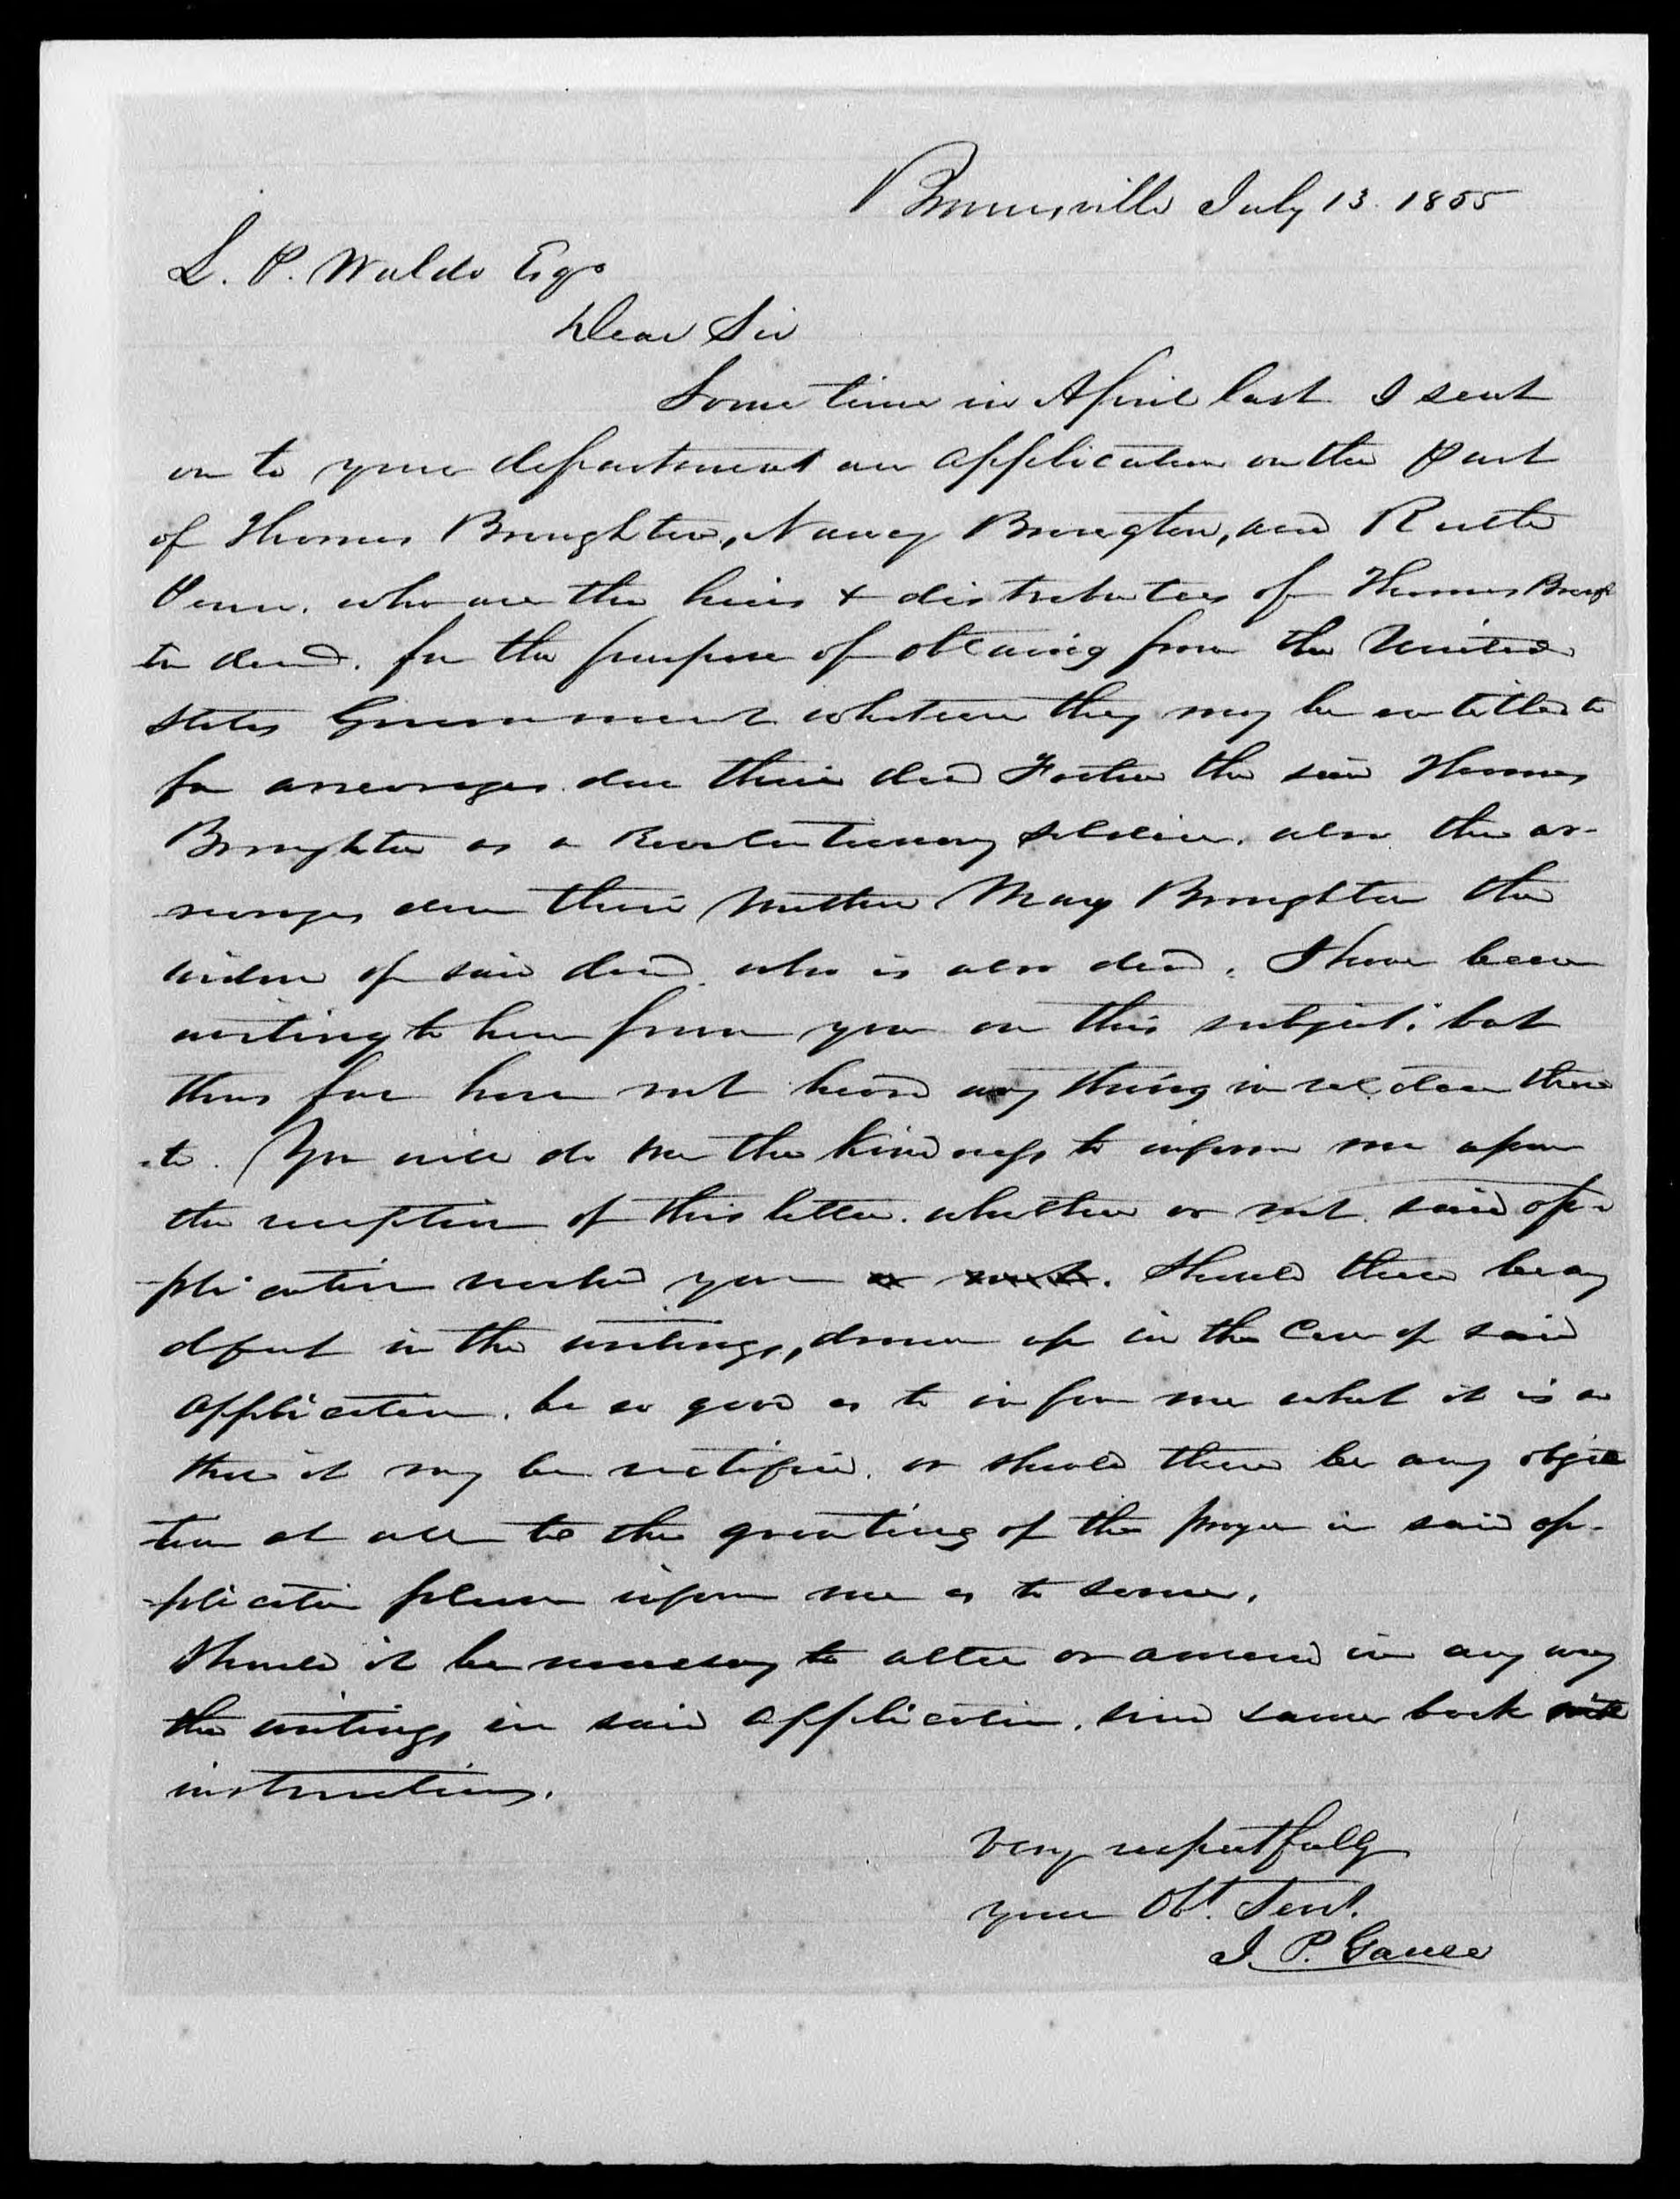Brownsville July 13 1855
S. P. Waldo Esqr
Dear Sir
Some time in April last I sent unto your department an application on the part of Thomas Broughton, Nancy Broughton, and Ruth Penn, who are the heirs & distributors of Thomas Broughton decd. for the purpose of obtaining from the United States Government whatever they may be entitled to for arrearages due their decd Father the said Thomas Broughton as a Revolutionary soldier, also the arrearages due their mother May Broughton the widow of said decd who is also decd. I have been writing to him since you on this subject, but thus far have not heard any thing in relation thereto. You will do me the kindness to inform me upon the reception of this letter, whether or not said application reached you as such. ["as such" crossed out] Should there be any defect in the writings, drawn up in the case of said application, be so good as to inform me which it is as that it may be rectified, or should there be any objection at all to this granting of the prayer in said application please inform me as to service.
Should it be necessary to alter or amend in any way the writings in said application, send same back with instructions.
Very respectfully,
your Obt. Servt.
J. P. Gause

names: Thomas Broughton, Nancy Broughton, J P Gause, Thomas Broughton, Ruth Penn, Mary Broughton, Thomas Broughton, L P Waldo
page: 63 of 72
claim: widow's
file: W. 897, Thomas Broughton, S.C.